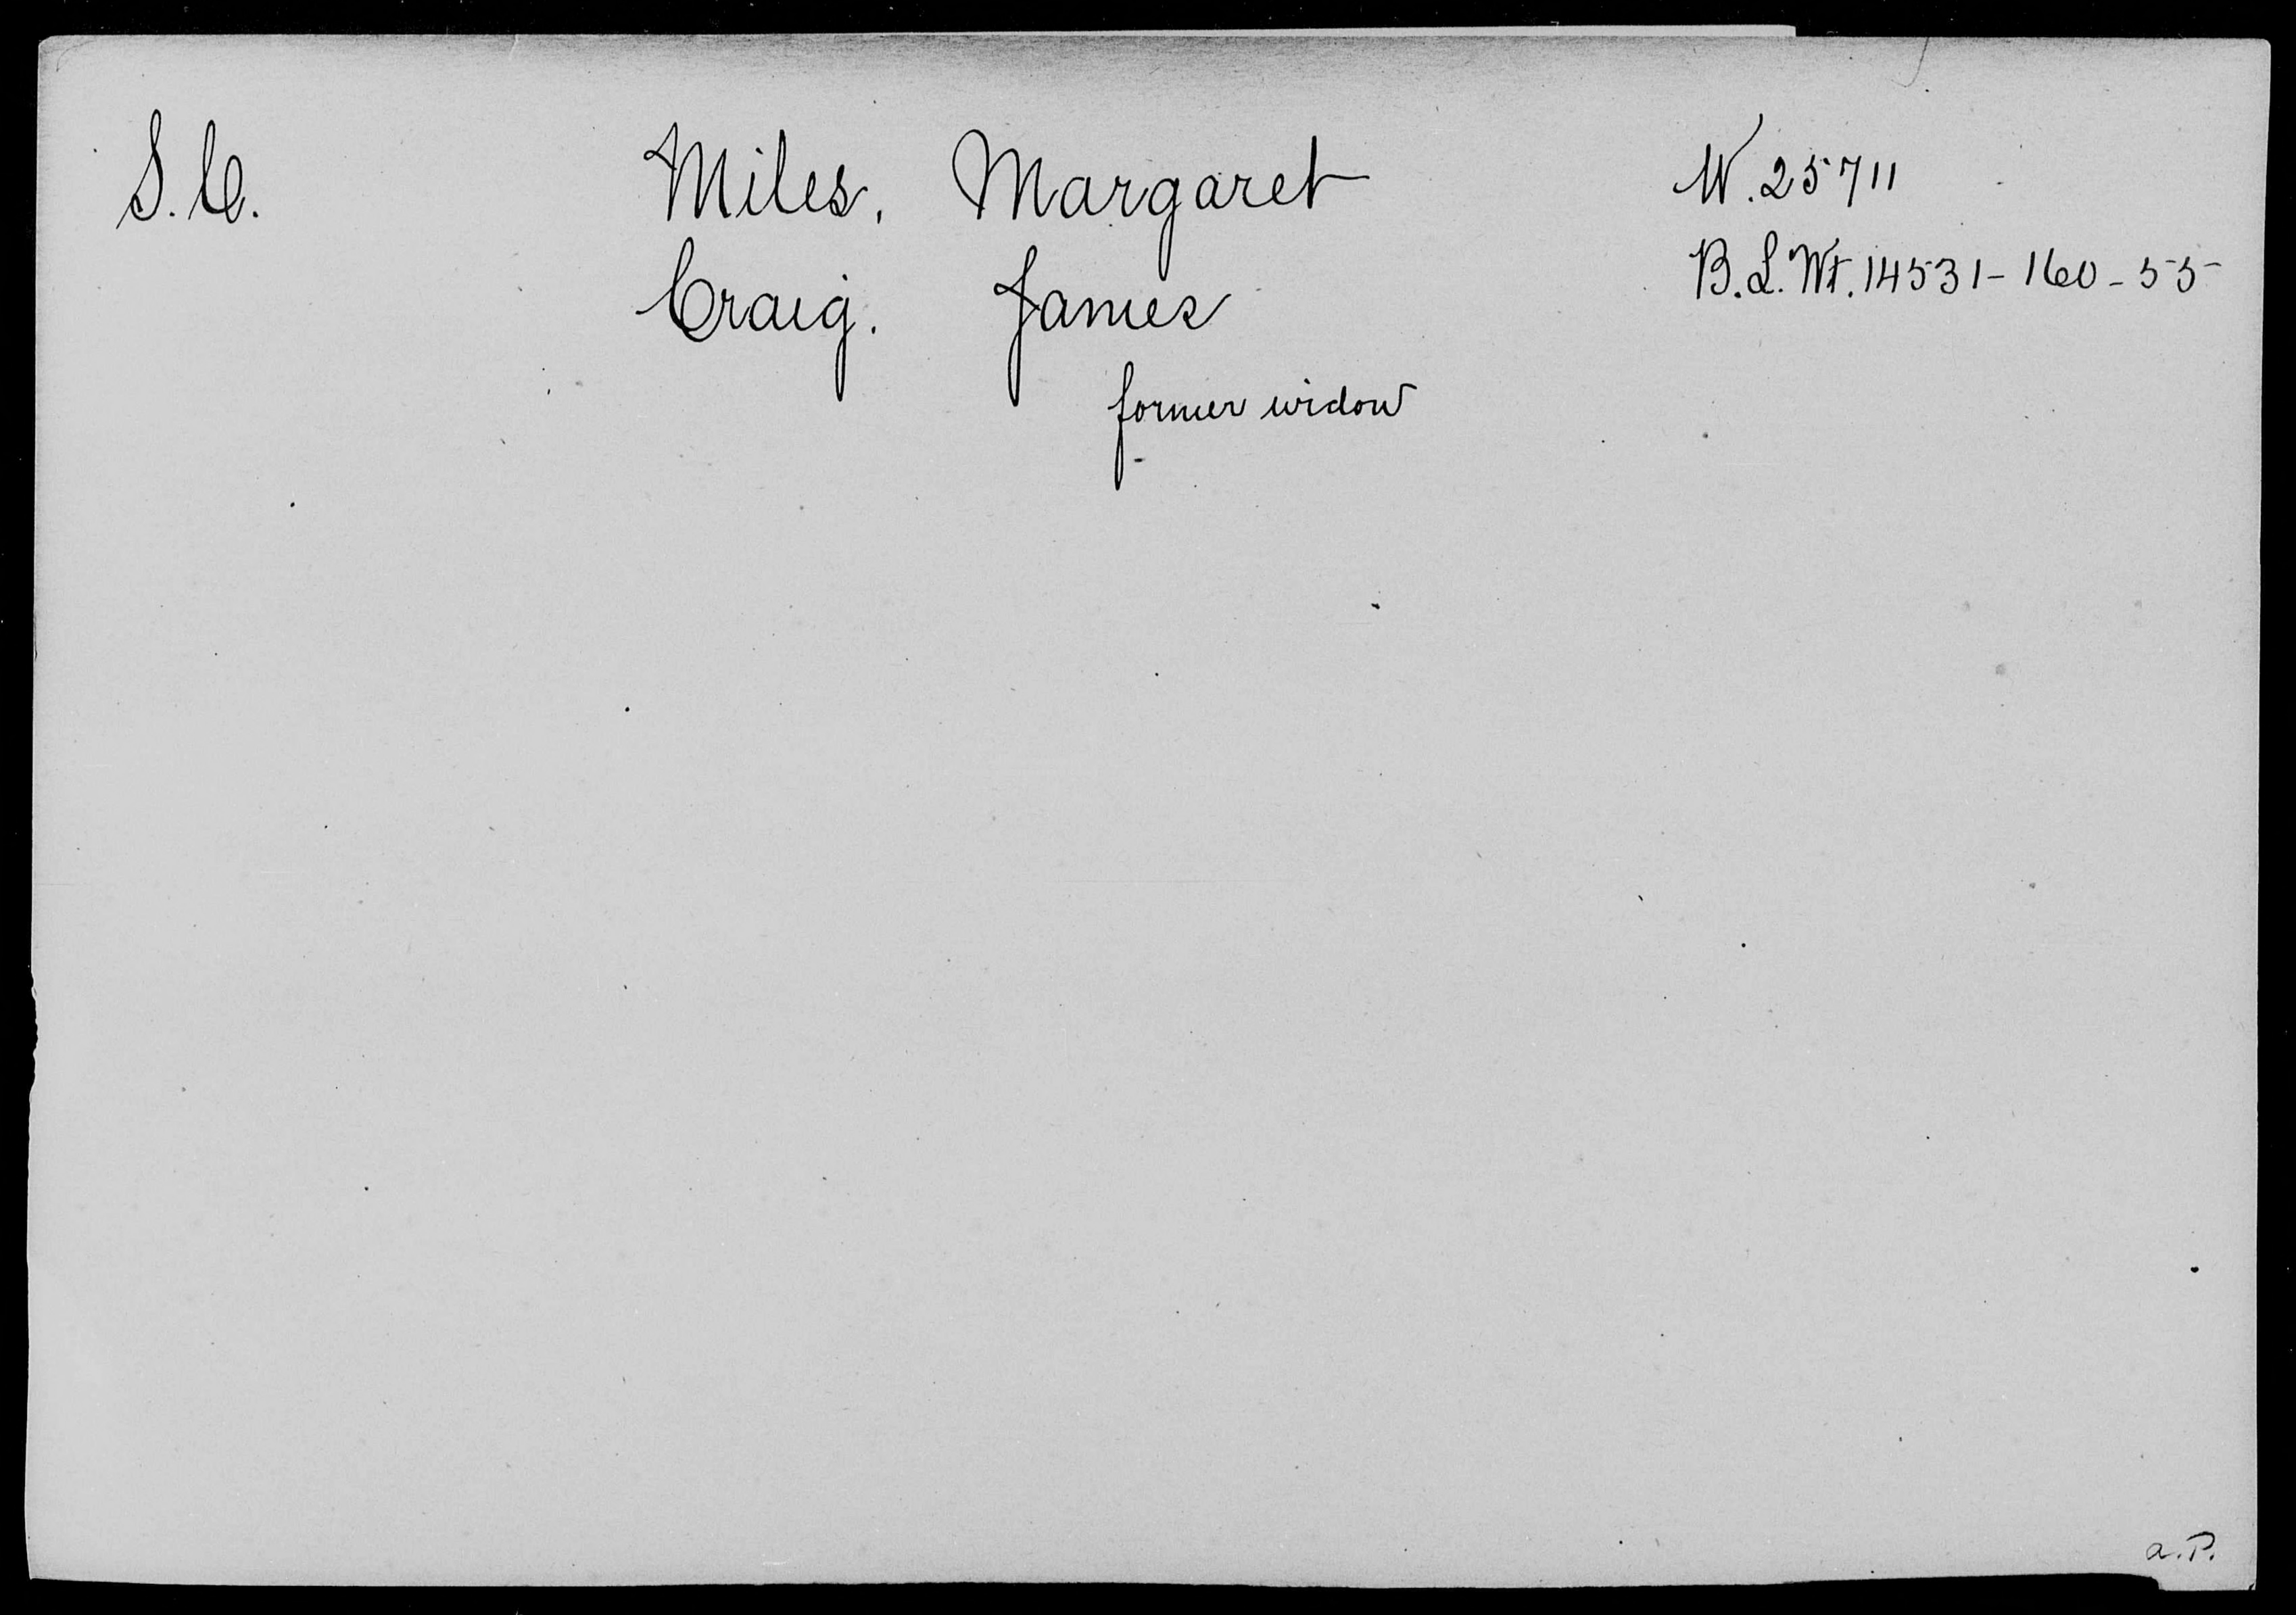S. C.
Miles, Margaret
Craig, James
former widow
W. 25711
B.L. Wt. 14531-160-55-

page: 1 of 1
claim: widow's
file: W. 25711, for Margaret Miles, South Carolina